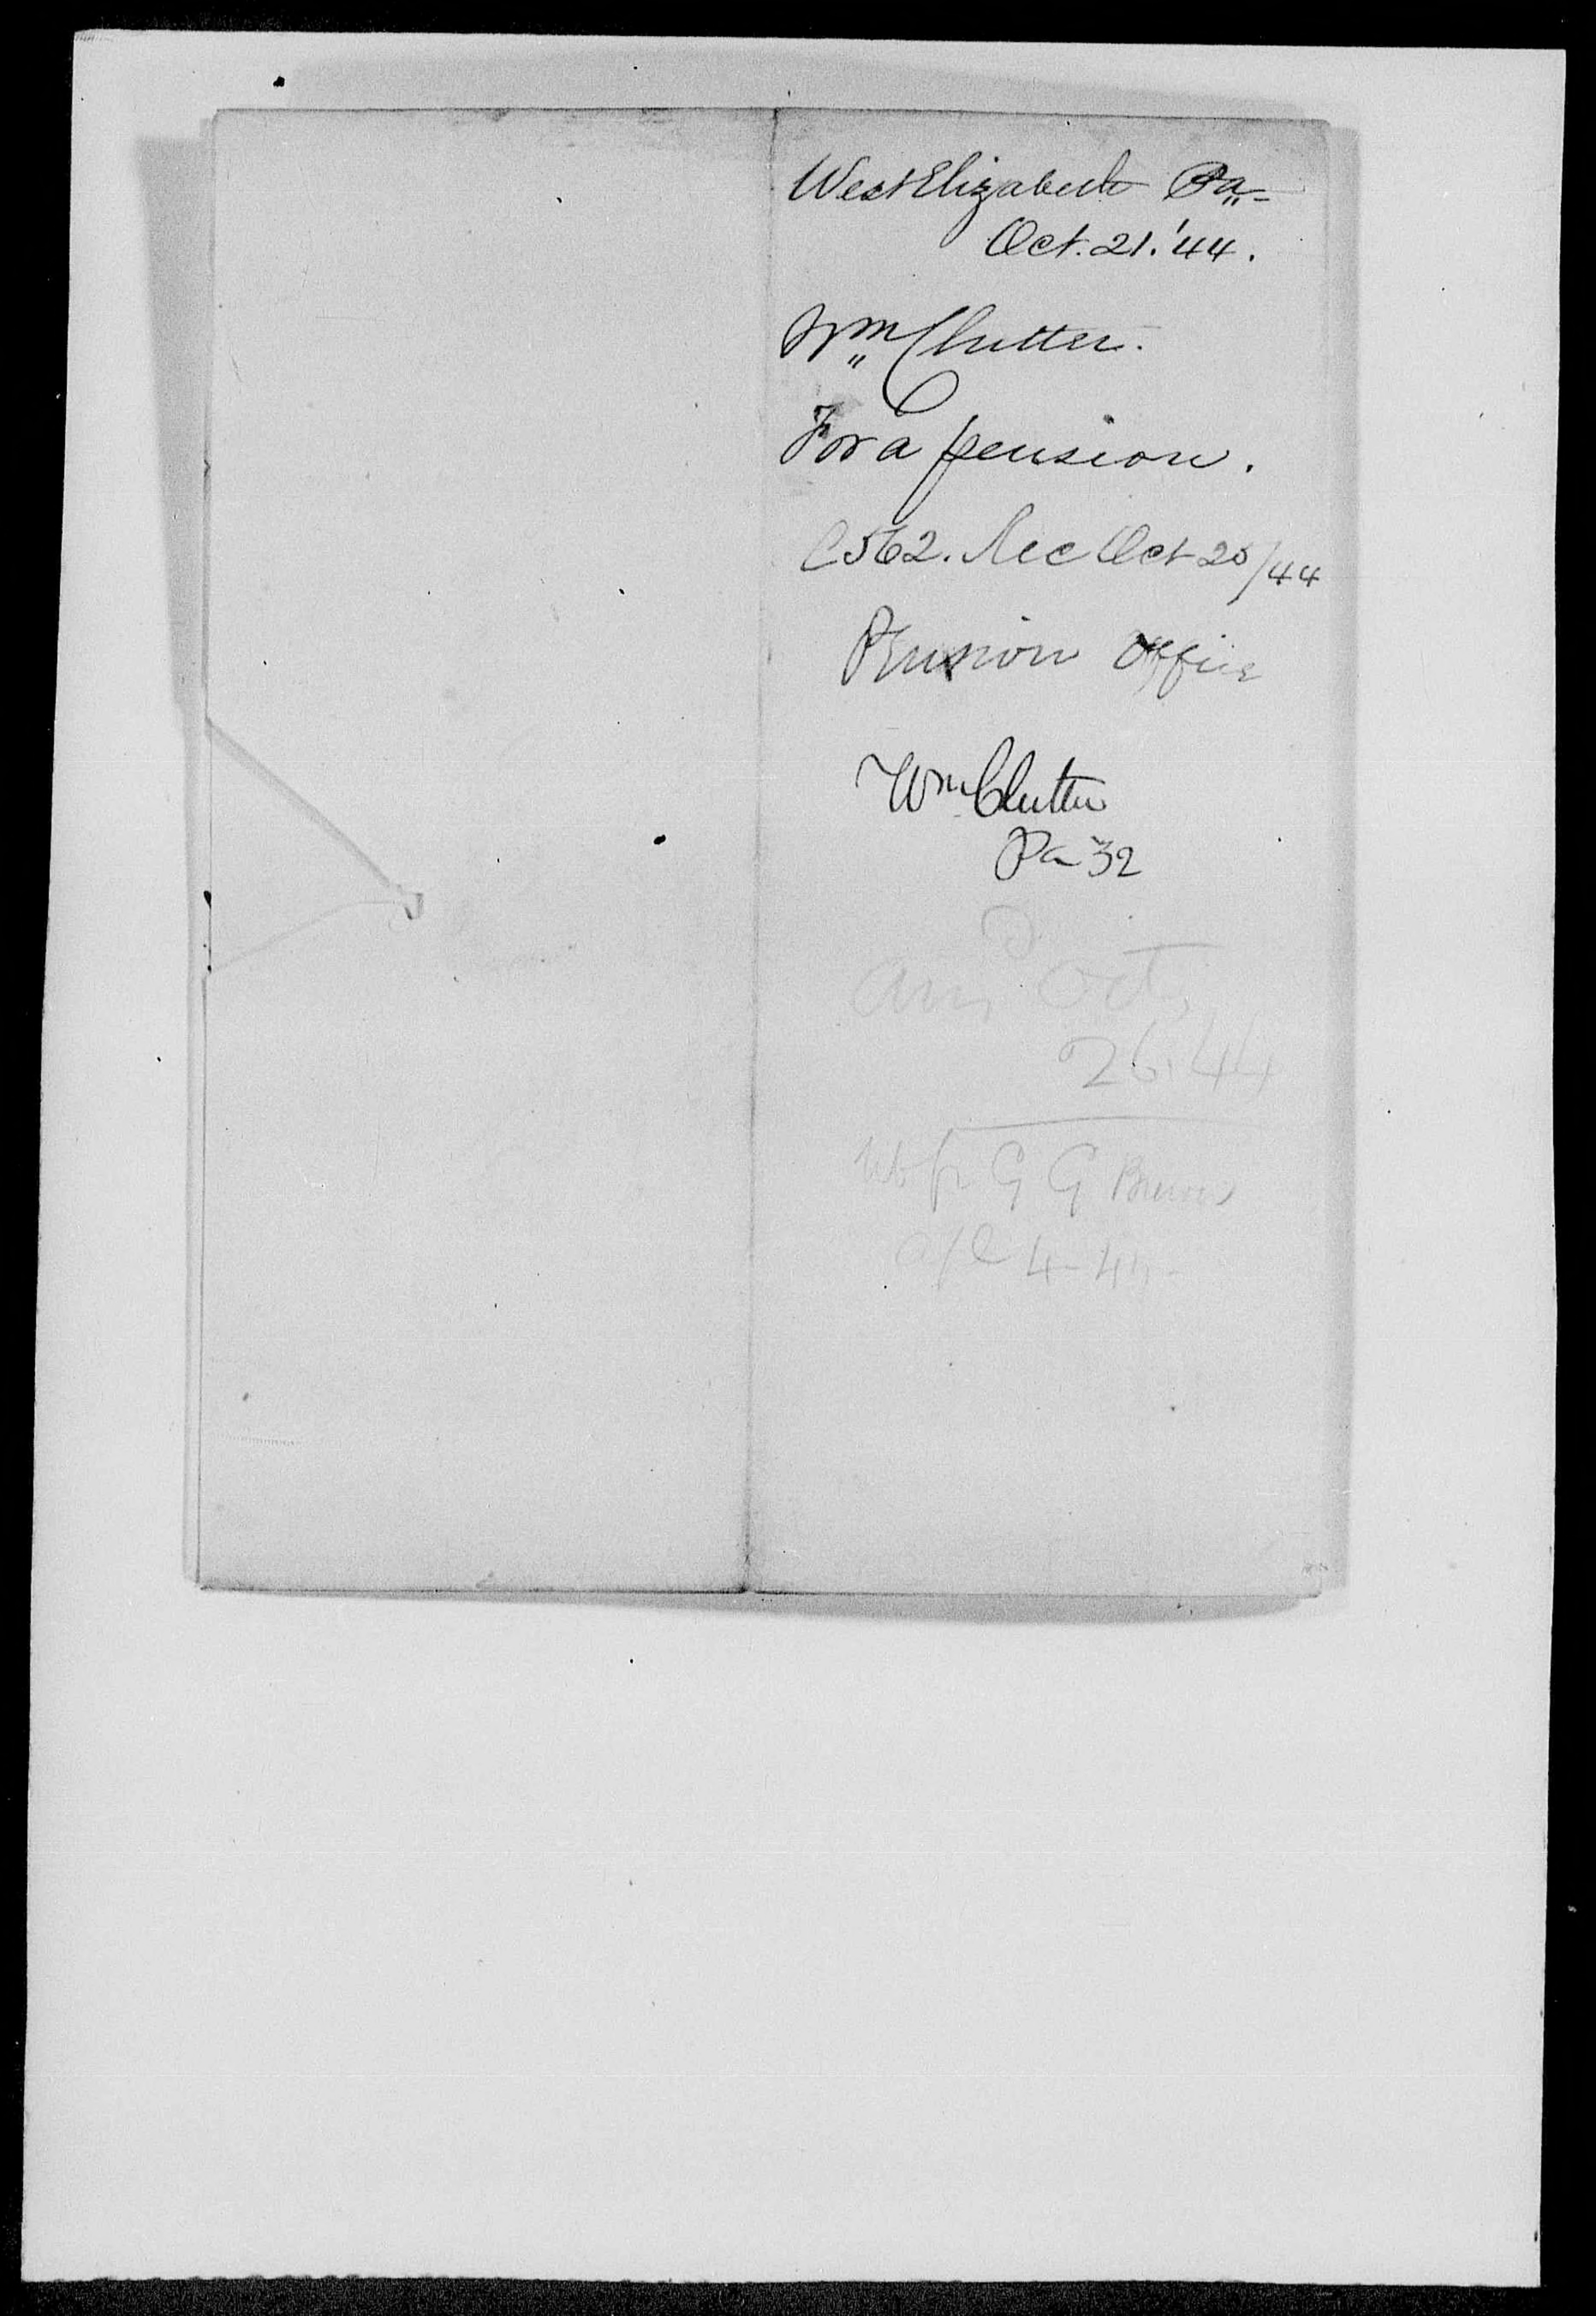West Elizabeth Pa
Oct 21, '44.
Wm Clutter
for a pension
C562 rec Oct 20 / 44
Pension Office

Wm Clutter
Pa 32

Arrd Oct 26, 44

Wrt G. G. Brown
Apl 4-44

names: Wm Clutter, Wm Clutter, G G Brown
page: 21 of 35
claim: rejected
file: R. 2066, William Clutter, New Jersey